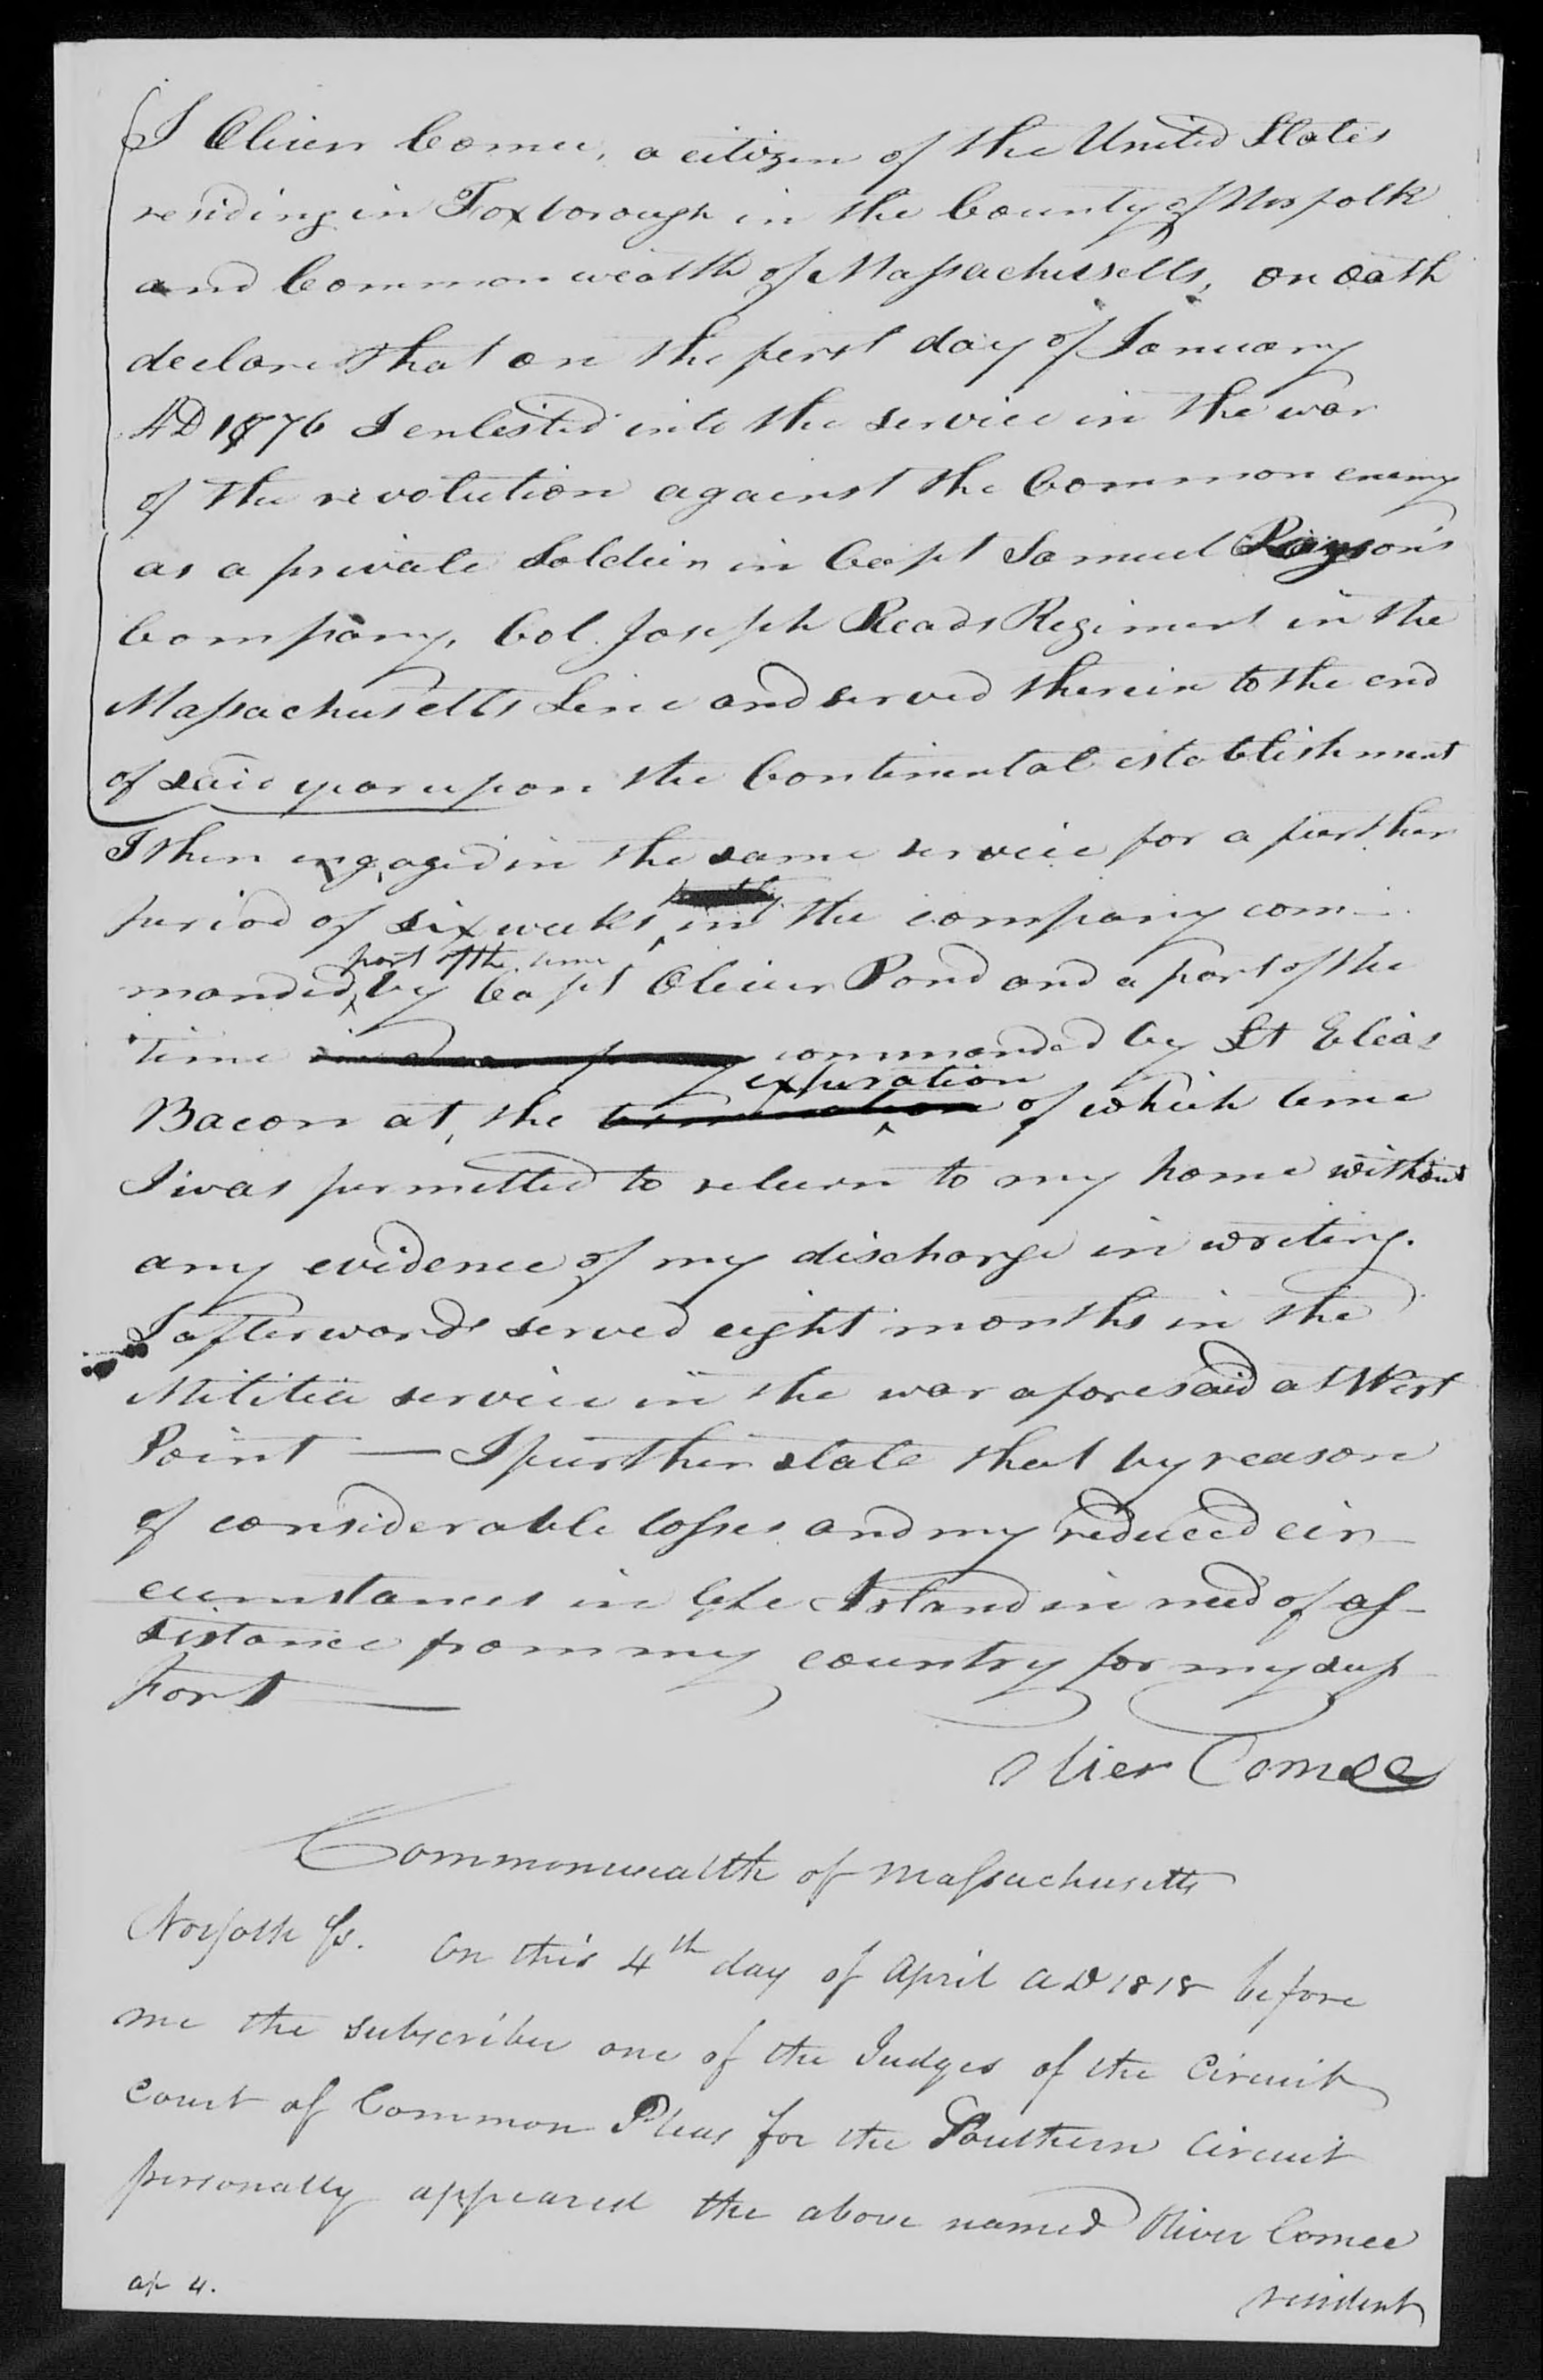I Oliver Comer, a citizen of the United States residing in Foxborough in the County of Norfolk and Commonwealth of Massachusetts, on oath declared that on the first day of January AD 1776 I enlisted into the service in the war of the revolution against the Common enemy as a private Soldier in Capt Samuel Payson’s Company, Col Joseph Reads Regiment in the Massachusetts Line and served therein to the end of said year upon the Continental establishment then engaged in the same service for a further period of six weeks in the company commanded front of the arm by Capt Oliver Pond and a part of the time commanded by Lt Elias Bacon at the expiration of which time I was permitted to return to my home without any evidence of my discharge in writing. I afterwards served eight months in the Militia service in the war aforesaid at West Point-- I further state that by reason of considerable losses and my reduced in circumstances in life I stand in need of assistance from my country for my support —
Oliver Comee

Commonwealth of Massachusetts Norfolk Ss.
On this 4th day of April AD 1818 before me the subscriber one of the Judges of the Circuit Court of Common Pleas for the Southern circuit personally appeared the above named Oliver Comee resident
 ap 4.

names: Oliver Comee, Olier Comee, Oliver Comee, Oliver Pond, Elias Bacon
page: 29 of 45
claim: widow's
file: W. 14,567, Oliver Comee, Mass.